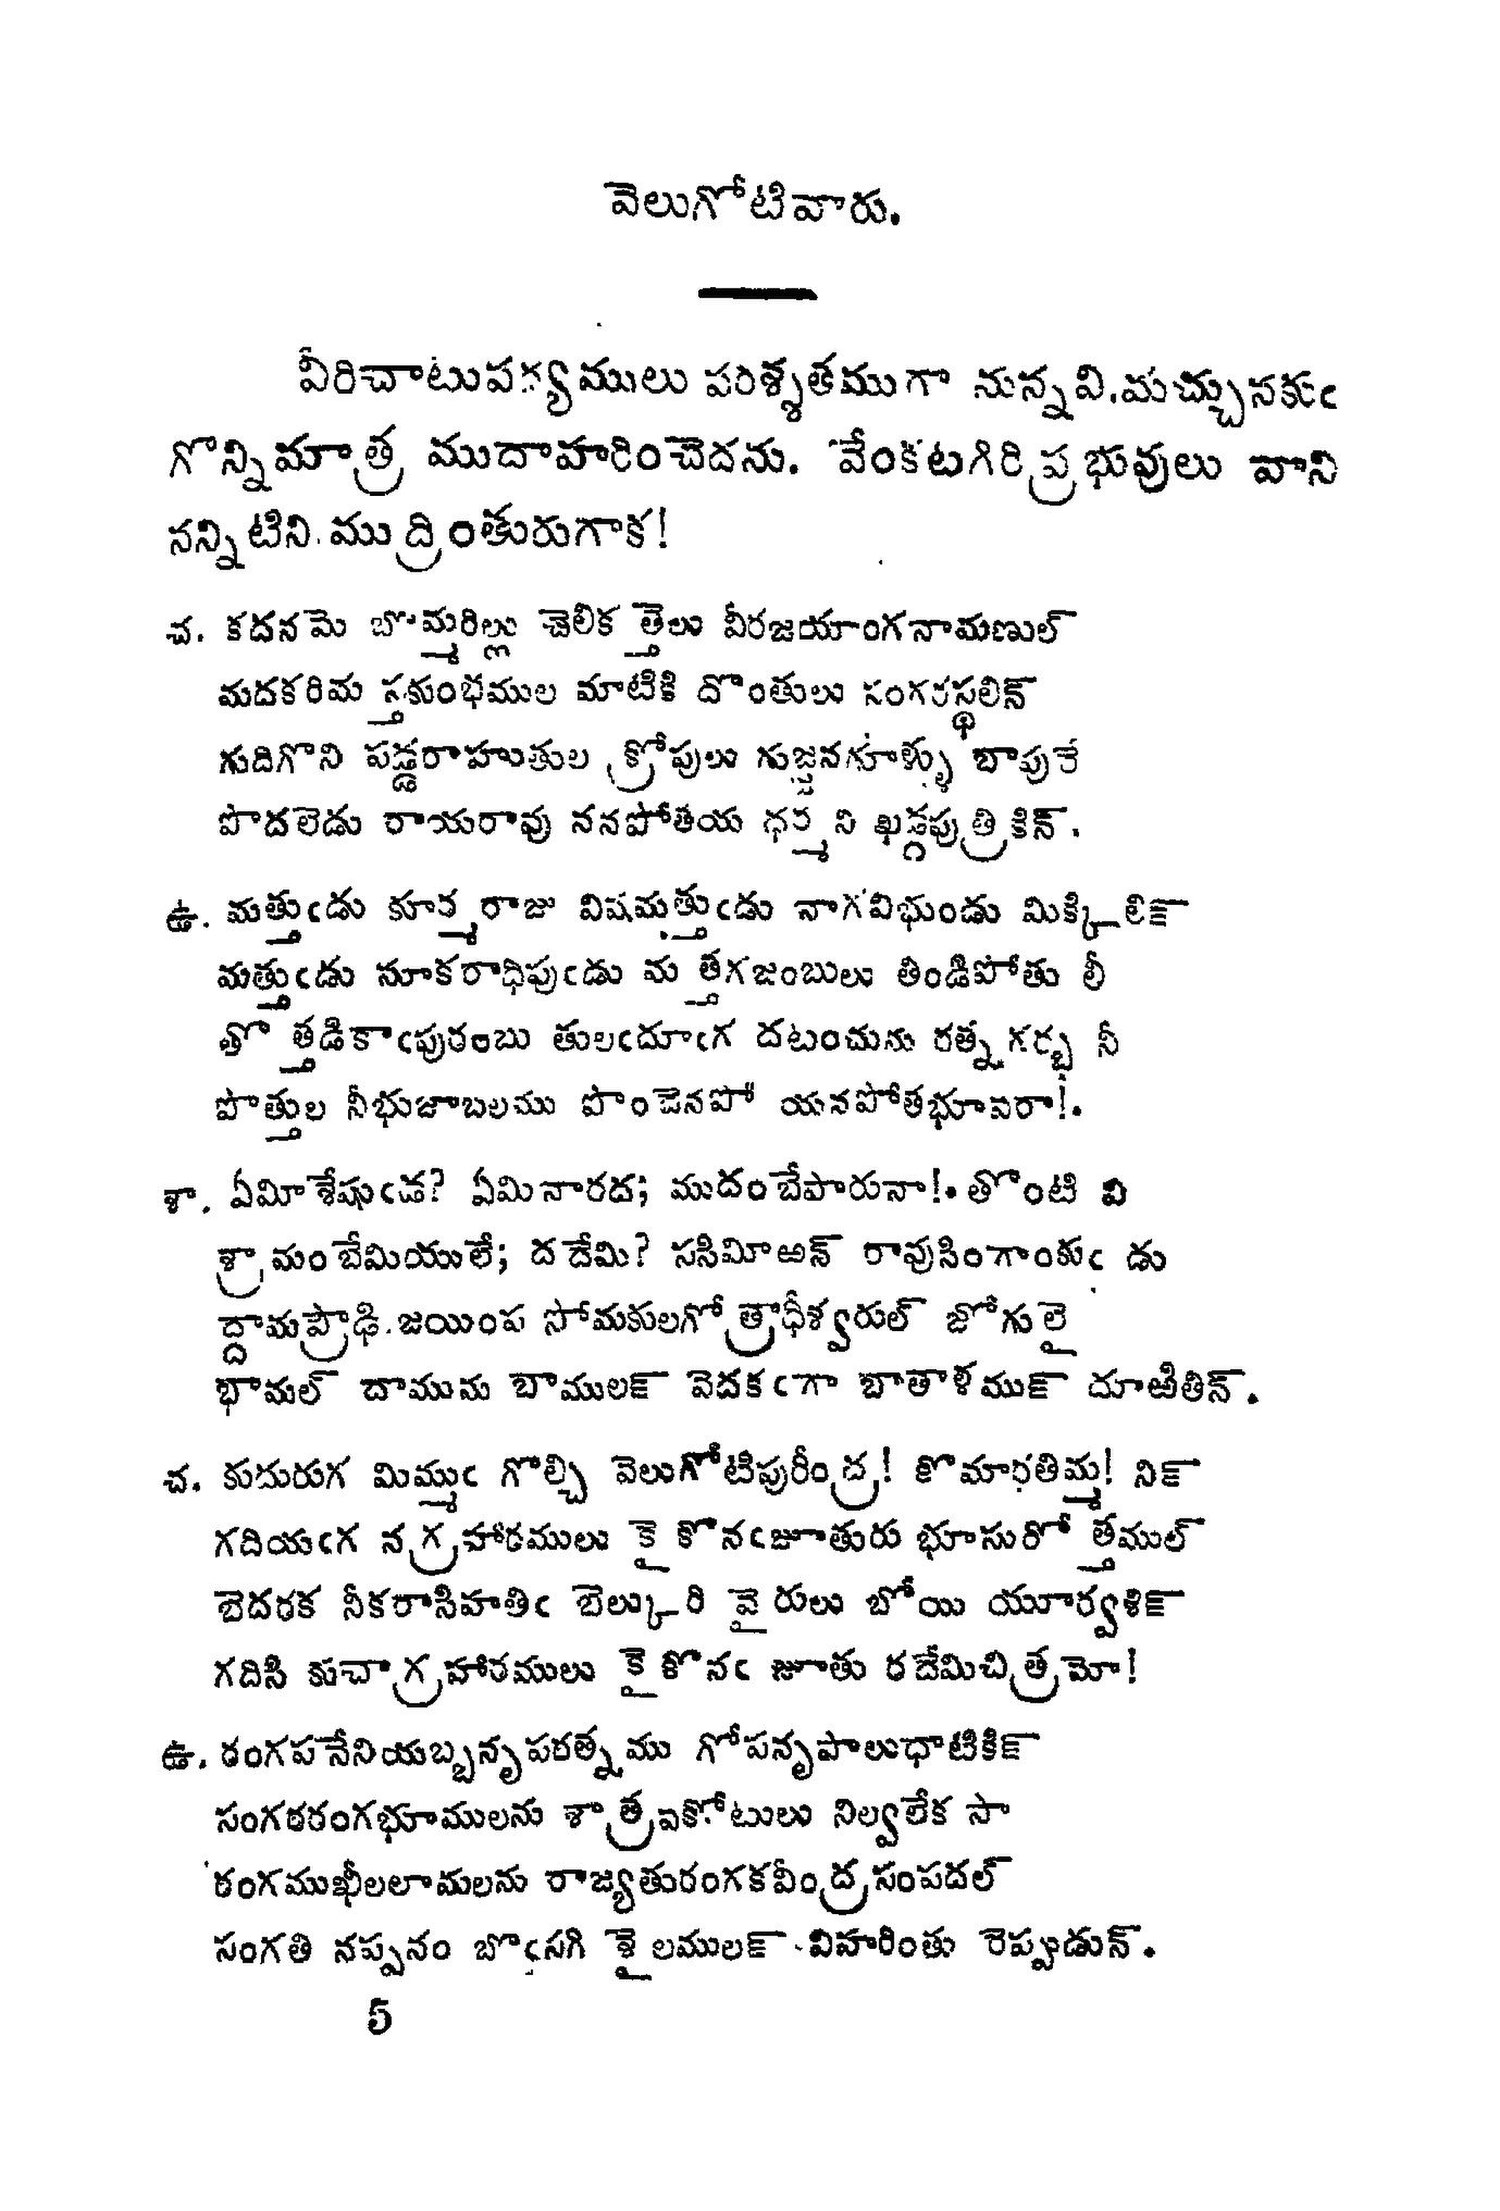వీరిచాటుపద్యములు పరశ్శతముగా నున్నవి. మచ్చునకుఁ గొన్నిమాత్ర ముదాహరించెదను. వేంకటగిరిప్రభువులు వాని నన్నిటిని ముద్రింతురుగాక!
చ. కదనమె బొమ్మరిల్లు చెలికత్తెలు వీరజయాంగనామణుల్
 మదకరిమస్తకుంభముల మాటికి దొంతులు సంగరస్థలిన్
 గుదిగొని పడ్డరాహుతుల క్రోపులు గుజ్జనగూళ్ళు బాపురే
 పొదలెడు రాయరాపు ననపోతని ధర్మని ఖడ్గపుత్రికిన్.
ఉ. మత్తుఁడు కూర్మరాజు విషమత్తుఁడు నాగవిభుండు మిక్కిలిన్
 మత్తుఁడు సూకరాధిపుఁడు మత్తగజంబులు తిండిపోతు లీ
 తొత్తడికాఁపురంబు తులఁదూఁగ దటంచును రత్నగర్భ నీ
 పొత్తుల నీభుజాబలము పొందెనపో యనపోతభూవరా!
శా. ఏమీ శేషుఁడ? ఏమి నారద; ముదం బేపారునా? తొంటి ని
 శ్రామంబేమియు లే; దదేమి? ససిమీఱన్ రావుసింగాంకుఁ డు
 ద్దాముప్రౌఢి జయింప సోమకులగోత్రాధీశ్వరుల్ జోగులై
 భామల్ దామును బాములన్ వెదకఁగా బాతాళమున్ దూఱితిన్.
చ. కుదురుగ మిమ్ముఁ గొల్చి వెలుగోటిపురీంద్ర! కొమారతిమ్మ! నిన్
 గదియఁగ నగ్రహారములు కైకొనఁజూతురు భూసురోత్తముల్
 బెదరక నీకరాసిహతిఁ బెల్కురి వైరులు పోయి యూర్వశిన్
 గదిసి కుచాగ్రహారములు కైకొనఁజూతు రదేమి చిత్రమో!
ఉ. రంగపనేనియబ్బనృపరత్నము గోపనృపాలుధాటికిన్
 సంగరరంగభూములను శాత్రవకోటులు నిల్వలేక సా
 రంగముఖీలలామలను రాజ్యతురంగకవీంద్రసంపదల్
 సంగతి నప్పనం బొసఁగి శైలములన్ విహరింతు రెప్పుడున్.